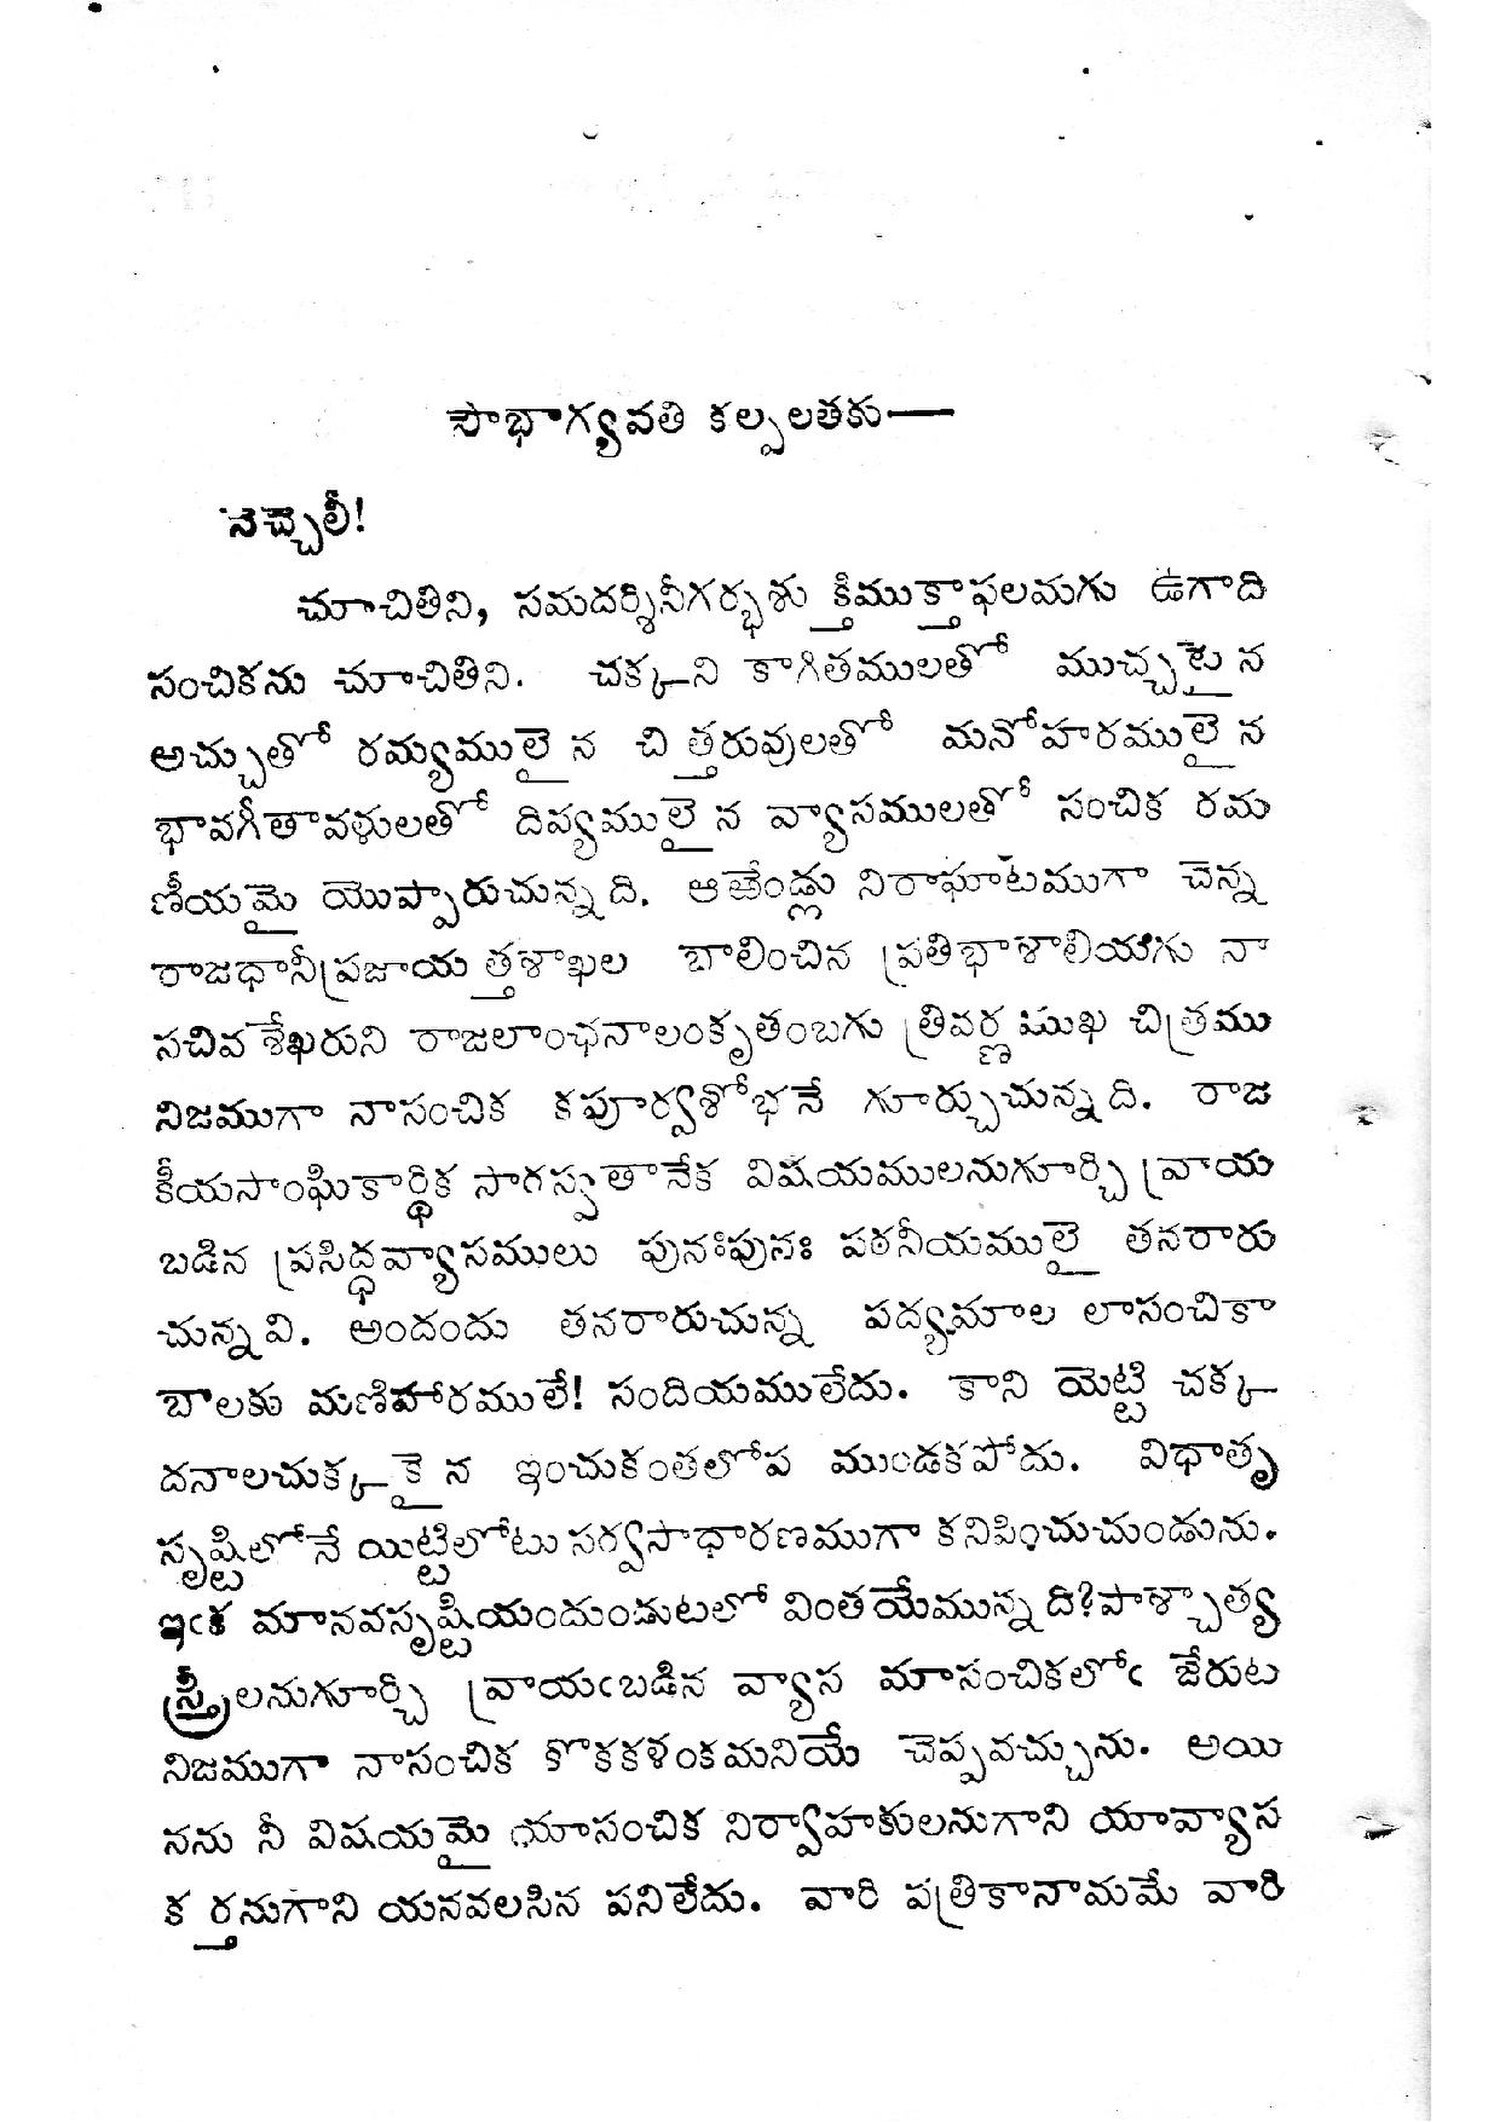నెచ్చెలీ!

చూచితిని, సమదర్శినీగర్భశుక్తిముక్తాఫలమగు ఉగాది సంచికను చూచితిని. చక్కని కాగితములతో ముచ్చటైన అచ్చుతో రమ్యములైన చిత్తరువులతో మనోహరములైన భావగీతావళులతో దివ్యములైన వ్యాసములతో సంచిక రమణీయమై యొప్పారుచున్నది. ఆఱేండ్లు నిరాఘాటముగా చెన్నరాజధానీప్రజాయత్త శాఖల బాలించిన ప్రతిభాశాలియగు నా సచివశేఖరుని రాజలాంఛనాలంకృతంబగు త్రివర్ణముఖ చిత్రము
నిజముగా నాసంచిక కపూర్వశోభనే గూర్చుచున్నది. రాజకీయసాంఘికార్థిక సారస్వతానేక విషయములనుగూర్చి వ్రాయబడిన ప్రసిద్ధవ్యాసములు పునఃపునః పఠనీయములై తనరారు చున్నవి. అందందు తనరారుచున్న పద్యమాల లాసంచికాబాలకు మణిహారములే! సందియములేదు. కాని యెట్టి చక్కదనాలచుక్కకైన ఇంచుకంతలోప ముండకపోదు. విధాతృ సృష్టిలోనే యిట్టిలోటు సర్వసాధారణముగా కనిపించుచుండును.
ఇఁక మానవసృష్టియందుండుటలో వింతయేమున్నది? పాశ్చాత్య స్త్రీలనుగూర్చి వ్రాయఁబడిన వ్యాస మాసంచికలోఁ జేరుట నిజముగా నాసంచిక కొకకళంకమనియే చెప్పవచ్చును. అయినను నీ విషయమై యాసంచిక నిర్వాహకులనుగాని యావ్యాసకర్తనుగాని యనవలసిన పనిలేదు. వారి పత్రికానామమే వారి